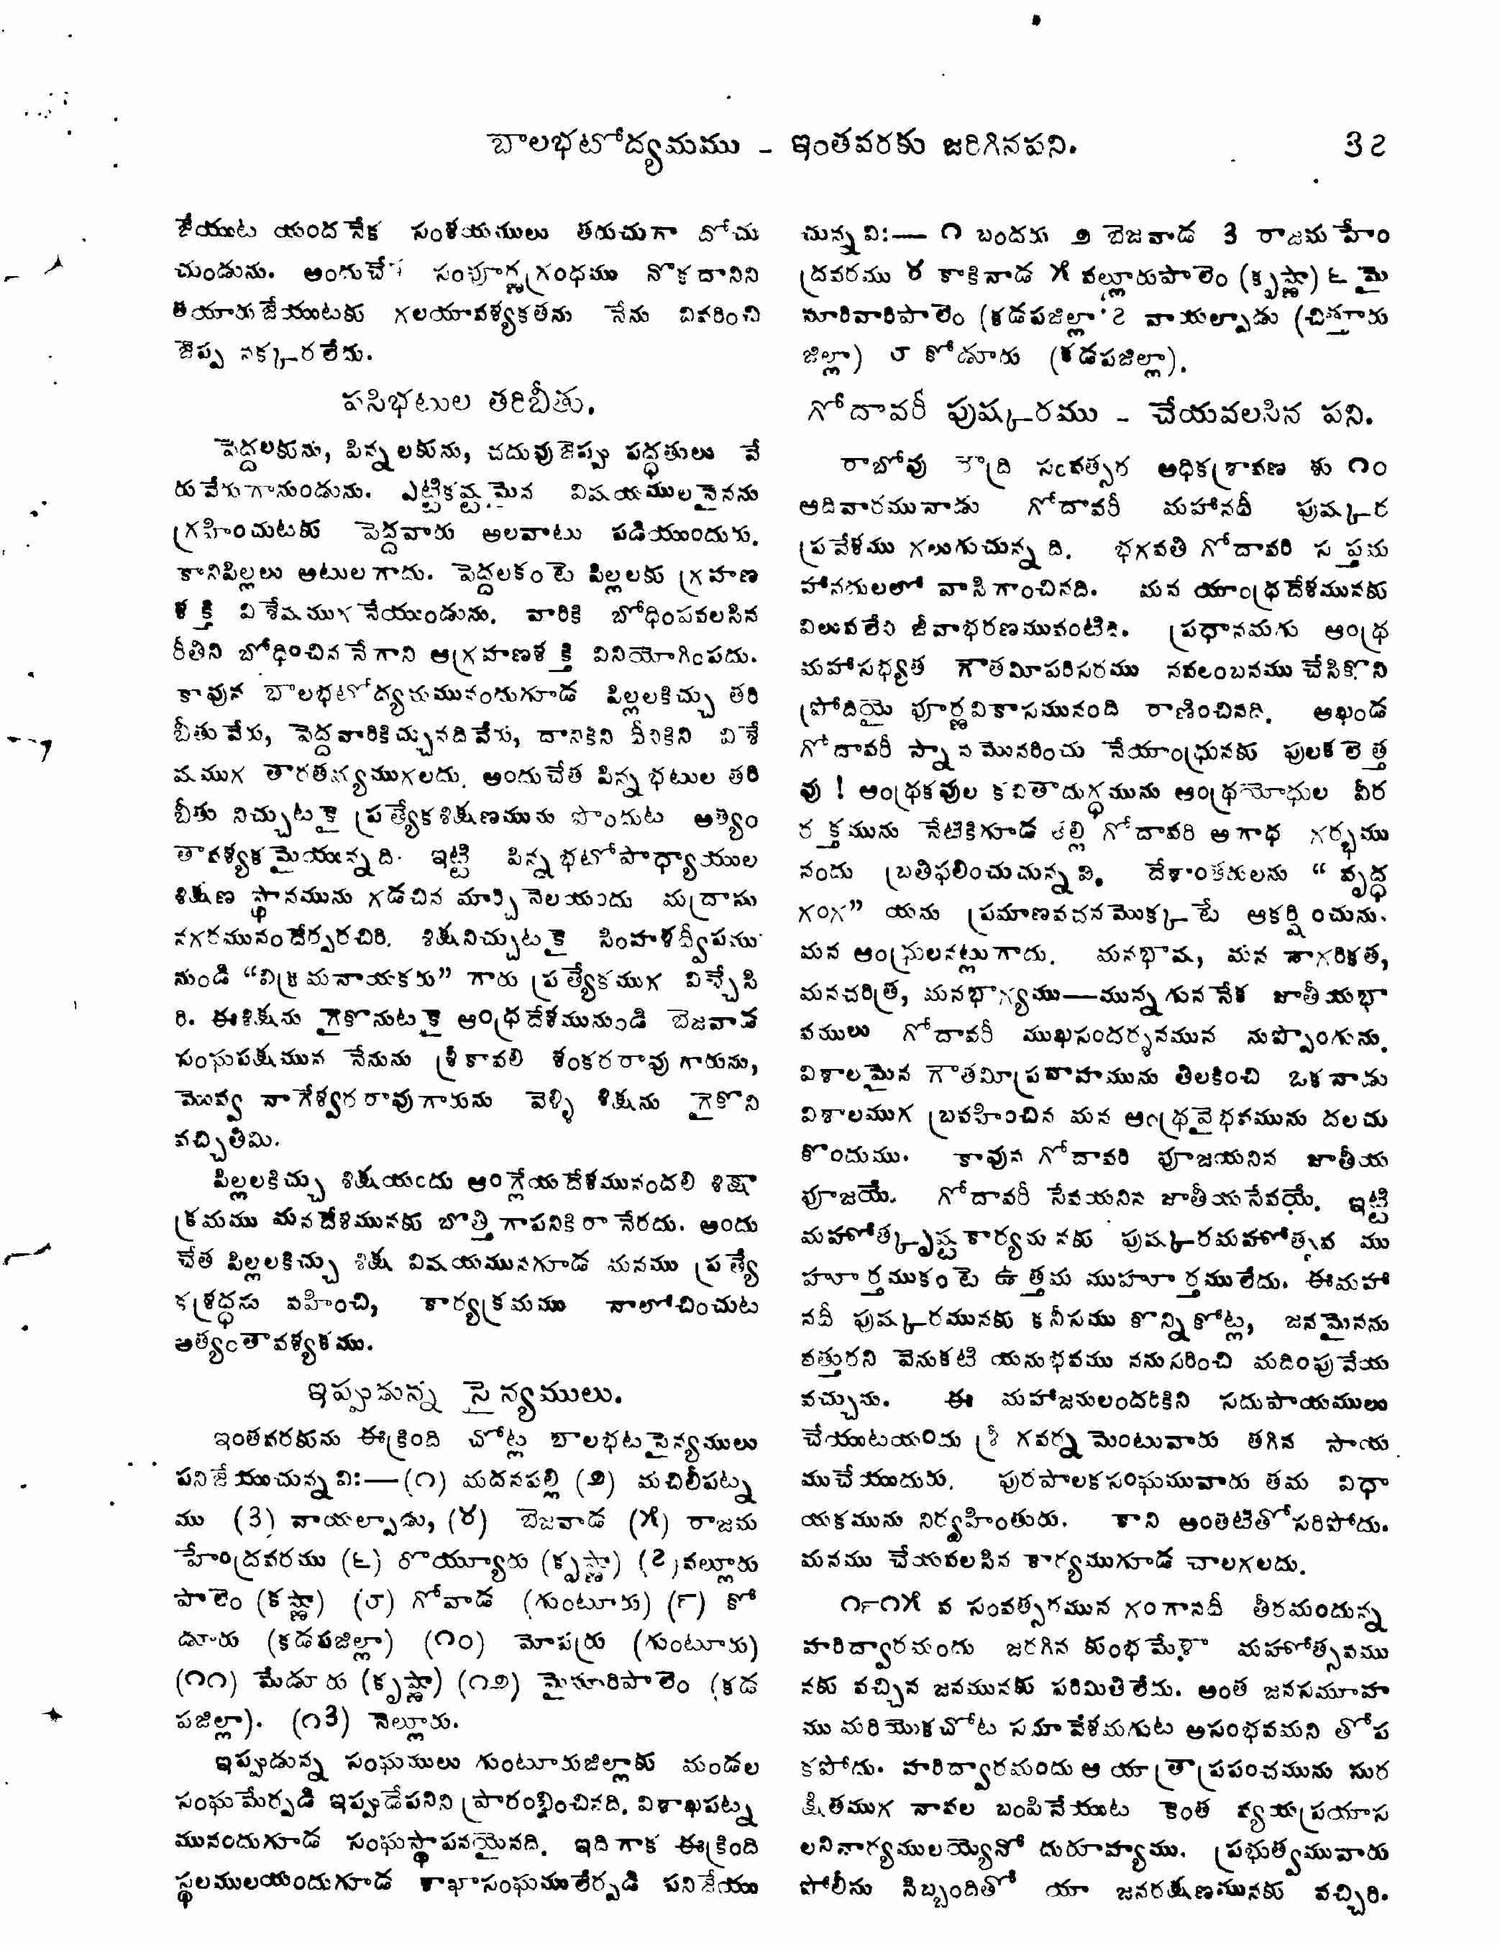జేయుట యందనేక సంశయములు తరుచుగా దోచుచుండును. అందుచే సంపూర్ణ గ్రంధము నొకదానిని తయారుజేయుటకు గలయావశ్యకతను నేను వివరించి జెప్ప నక్కరలేదు.

పెద్దలకును, పిన్నలకును, చదువు జెప్పు పద్ధతులు వేరువేరుగానుండును. ఎట్టికష్టమైన విషయములపైనను గ్రహించుటకు పెద్దవారు అలవాటు పడియుందురు. కానిపిల్లలు అటులగాదు. పెద్దలకంటే పిల్లలకు గ్రహణశక్తి విశేషముగ నేయుండును. వారికి బోధింపవలసిన
రీతిని బోధించిననేగాని ఆగ్రహణశక్తి వినియోగింపదు. కావున భాలభలోద్యమమునందు గూడ పిల్లలకిచ్చు తరిబీతువేరు, పెద్దవారికిచ్చునది వేరు, దానికిని వీనికిని విశేషముగ తారతవ్యముగలదు. అందుచేత పిన్న భటుల తరిబీకు నిచ్చుటకై ప్రత్యేకశిక్షణమును పొందుట అత్యంతావశ్యకమైయున్నది. ఇట్టి పిన్న భటోపాధ్యాయుల శిక్షణ స్థానమును గడచిన మార్చి నెలయుదు మద్రాసు నగరమునందేర్పరచిరి. శిక్ష నిచ్చుటకై సింహళద్వీపము నుండి “విక్రమనాయకరు” గారు ప్రత్యేకముగ విచ్చేసిరి. ఈశిక్షను గైకొనుటకై ఆంధ్రదేశమునుండి బెజవాడ సంఘపక్షమున నేనును శ్రీకావలి శంకరరావుగారును, మొవ్వ నాగేశ్వరరావుగారును వెళ్ళి శిక్షను గైకొని వచ్చితిమి.

పిల్లలకిచ్చు శిక్షయఁదు ఆంగ్లేయ దేశమునందలి శిక్షాక్రమము మనదేశమునకు బొత్తి గాపనికి రానేరదు. అందుచేత పిల్లలకిచ్చు శిక్ష విషయమునగూడ మనము ప్రత్యేకశ్రద్ధను వహించి, కార్యక్రమము నాలోచించుట అత్యంతావశ్యకము.

ఇంతవరకును ఈక్రింది చోట్ల బాలభట సైన్యములు పనిజేయుచున్నవి:— (7) మదనపల్లి (9) మచిలీపట్నము (3) వాయల్పాడు, (౪) బెజవాడ (౫) రాజమహేంద్రవరము (౬) రొయ్యూరు (కృష్ణా) (౭) వల్లూరు పాలెం (కష్ణా) (౮) గోవాడ (గుంటూరు) (౯) కోడురు (కడపజిల్లా) (౧౦) మోపర్రు (గుంటూరు) (౧౧) మేడూరు (కృష్ణా) (౧౨) మైకూరిపాలెం (కడపజిల్లా) (౧3) నెల్లూరు.

ఇప్పుడున్న సంఘములు గుంటూరుజిల్లాకు మండల సంఘమేర్పడి ఇప్పుడేపనిని ప్రారంభించినది, విశాఖపట్నమునందు గూడ సంఘస్థాపనయైనది. ఇది గాక ఈక్రింది స్థలములయందుగూడ శాఖా సంఘములేర్పడి పనిజేయు చున్నవి:౼ ౧ బందరు ౨ బెజవాడ 
3 రాజమహేంద్రవరము ౪ కాకినాడ ౫ వల్లూరుపాలెం (కృష్ణా) ౬ మైసూరివారిపాలెం (కడపజిల్లా ౭ వాయల్పాడు (చిత్తూరు జిల్లా)
౮ కోడూరు (కడపజిల్లా).

రాబోవు రౌద్రి సంవత్సర అధిక శ్రావణ శు ౧౦ ఆదివారము నాడు గోదావరీ మహానదీ పుష్కర ప్రవేశము గలుగుచున్నది. భగవతి గోదావరి సప్తమహానదులలో వాసి గాంచినది. మన యాంధ్రదేశమునకు విలువలేని జీవాభరణమువంటిది. ప్రధానమగు ఆంధ్రమహాసభ్యత గౌతమీ పరిసరము నవలంబనము చేసికొని ప్రోదియై పూర్ణవికాసమునంది రాణించినది. అఖండ గోదావరీ స్నాన మొనరించు నేయాంధ్రునకు పులకలెత్త రక్తమును నేటికి గూడ తల్లి గోదావరి అగాధ గర్భనందు బ్రతిఫలించుచున్నవి. దేశాంకరులను "వృద్ధ గంగ" యను ప్రమాణవచనమొక్కటే ఆకర్షించును. మన ఆంధ్రులనట్లు గాదు. మనభాష, మన శాగరికత, మనచరిత్ర, మనభాగ్యము మున్నగుననేక జాతీయభావములు గోదావరీ ముఖసందర్శనమున నుప్పొంగును. విశాలమైన గౌతమీప్రవాహమును తిలకించి ఒకనాడు విశాలముగ బ్రవహించిన మన ఆంధ్ర వైభవమును దలచు కొందుము. కావున గోదావరి పూజయనిస జాతీయ పూజయే. గోదావరీ సేవయనిన జాతీయసేవయే. ఇట్టి మహోత్కృష్ట కార్యమునకు పుష్కరమహోత్సవ ముహూర్తము ఉత్తమ ముహూర్తములేదు. ఈ మహానదీ పుష్కరమునకు కనీసము కొన్ని కోట్ల, జనమైనను దత్తురని వెనుకటి యనుభవము ననుసరించి మదింపువేయ వచ్చును. ఈ మహాజనులందరికిని సదుపాయములు చేయుటయందు శ్రీ గవర్నమెంటువారు తగిన సాయముచేయుదురు. పురపాలక సంఘమువారు తమ విధాయకమును నిర్వహింతురు. కాని అంతటితో సరిపోదు. మనము చేయవలసిన కార్యము గూడ చాలగలదు. 

౧౯౧౫ వ సంవత్సరమున గంగానదీ తీరమందున్న హరిద్వారమందు జరిగిన కుంభమేళా మహోత్సవమునకు వచ్చిన జనమునకు పరిమితిలేదు. అంత జనసమూహము మరియొకచోట సమావేశమగుట అసంభవమని తోపకపోదు. హరిద్వారమందు ఆ యాత్రా ప్రపంచమును సురక్షితముగ నావల బంపివేయుట కెంత వ్యయప్రయాసలని నార్యములయ్యెనో దురూహ్యము. ప్రభుత్వమువారు
పోలీసు సిబ్బందితో యా జనరక్షణమునకు వచ్చిరి.